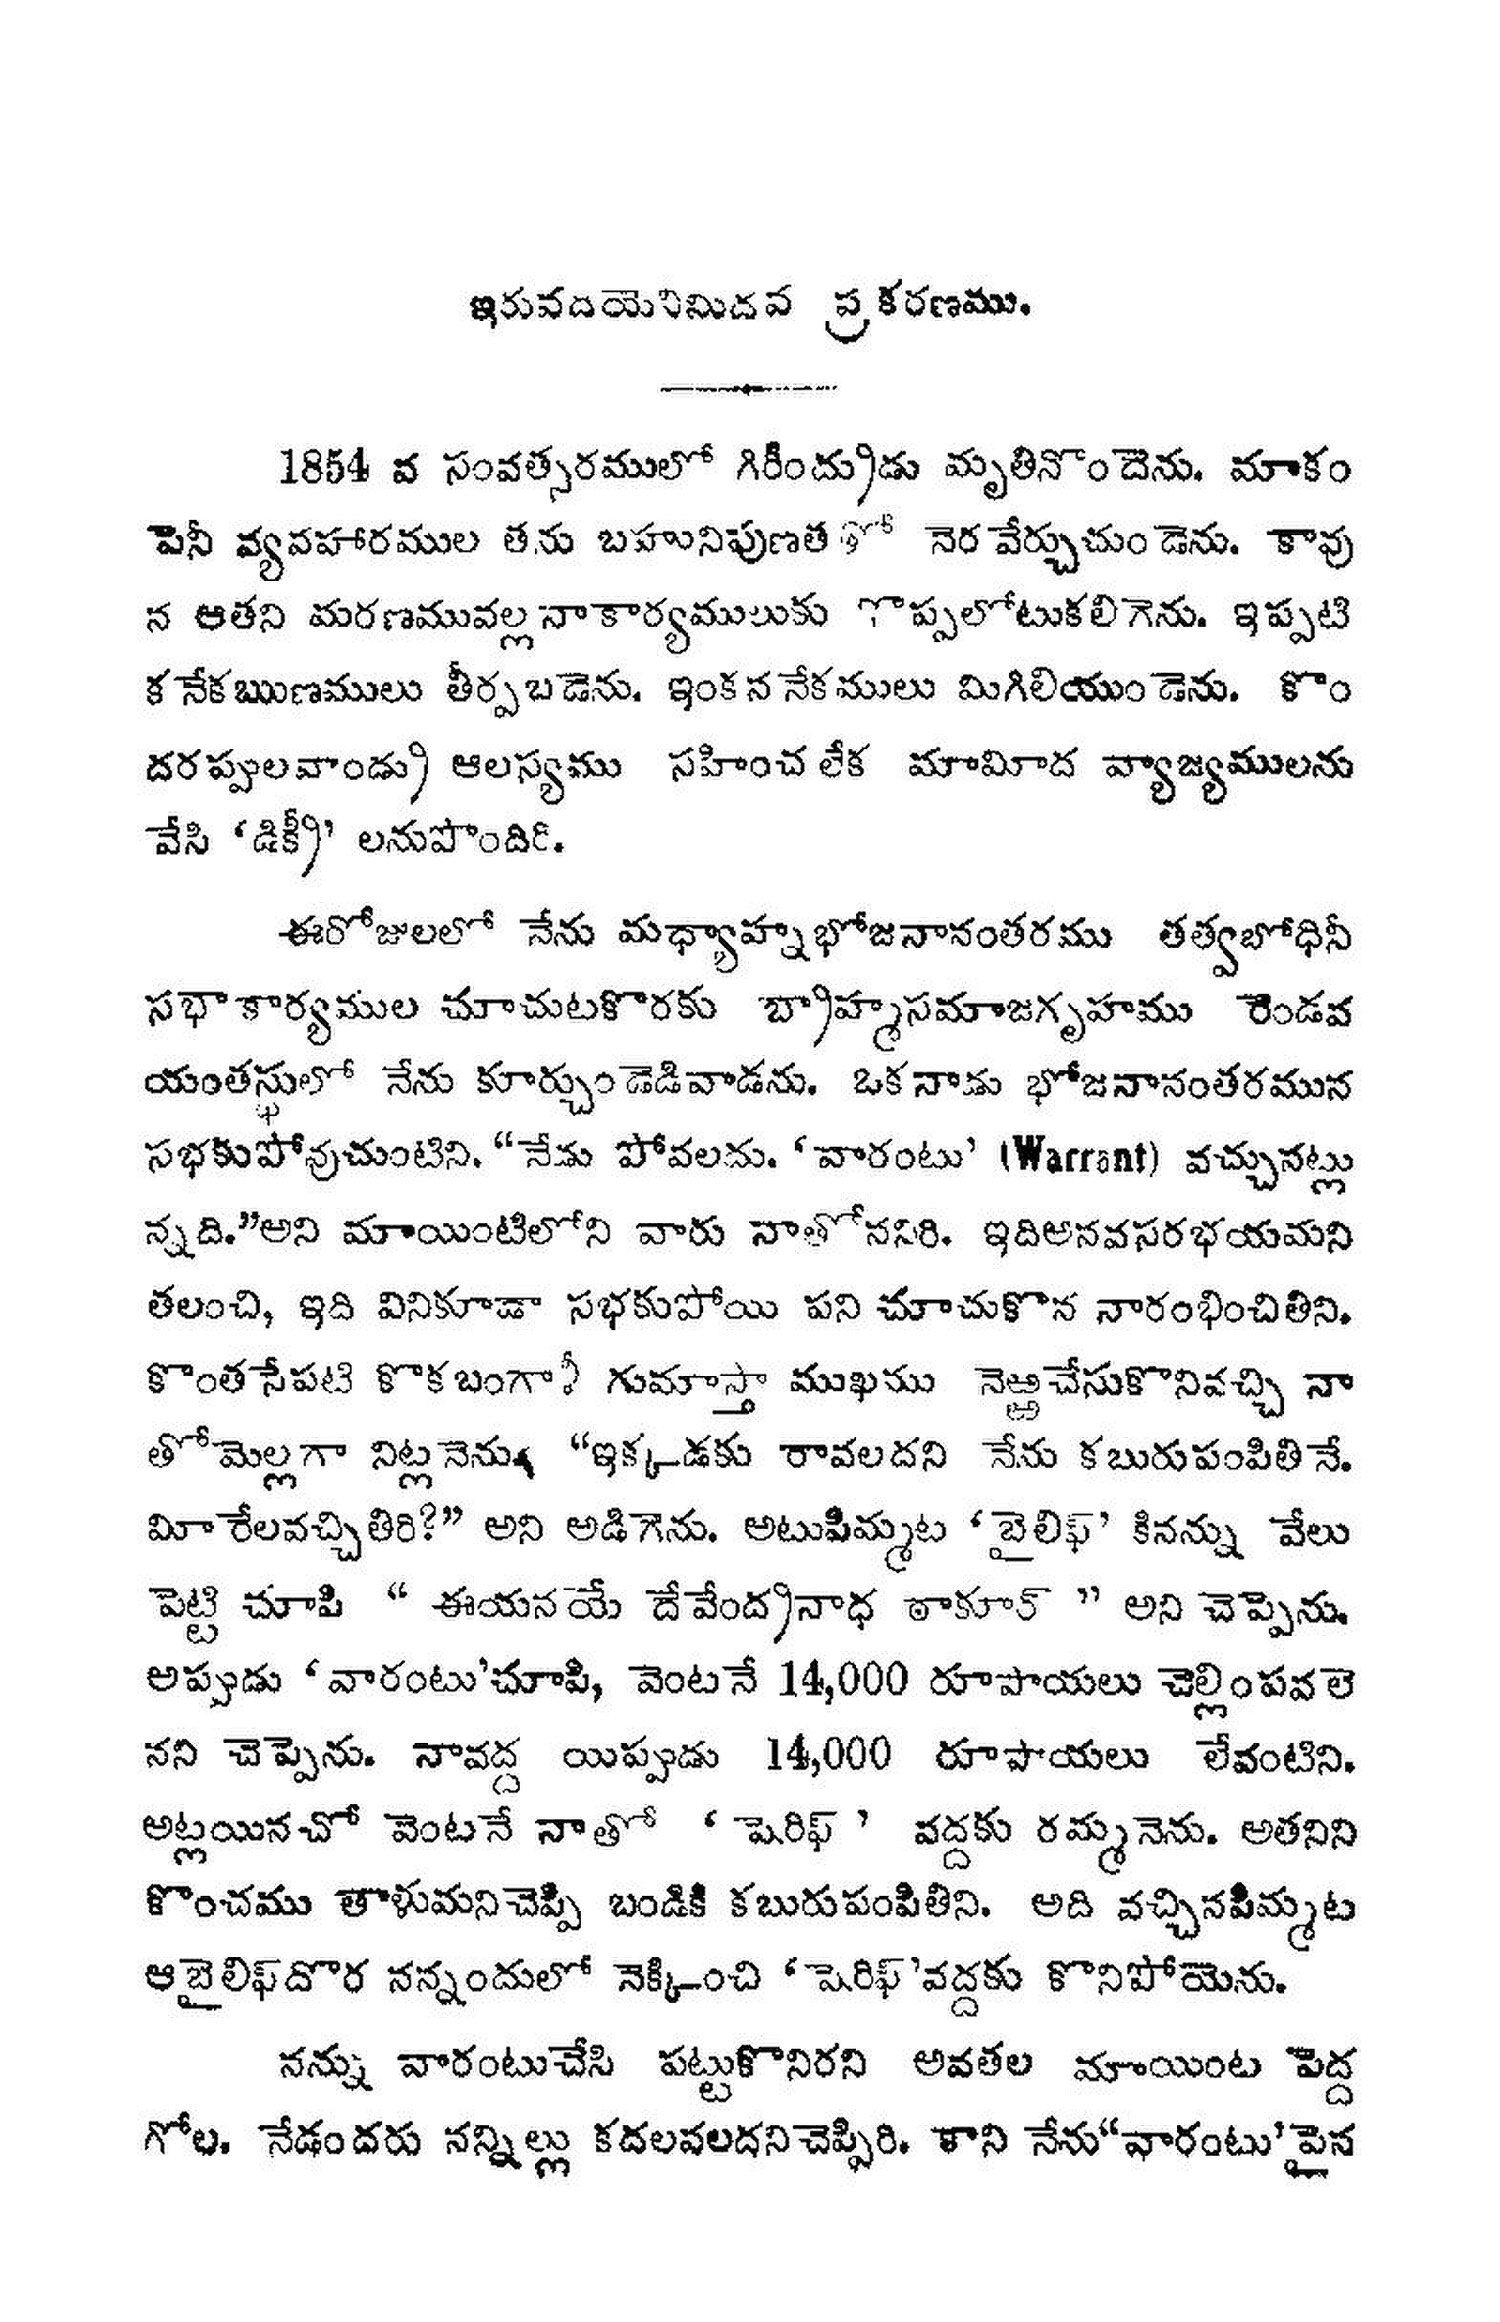1854 వ సంవత్సరములో గిరీంద్రుడు మృతినొందెను. మాకంపెనీ వ్యవహారముల తను బహునిపుణతతో నెర వేర్చుచుండెను. కావున ఆతని మరణము వల్ల నా కార్యములుకు గొప్ప లోటుకలిగెను. ఇప్పటికనేక ఋణములు తీర్పబడెను. ఇంక ననేకములు మిగిలి యుండెను. కొందరప్పుల వాండ్రు ఆలస్యము సహించ లేక మామీద వ్యాజ్యములను వేసి ' డిక్రీలను పొందిరి.

ఈ రోజులలో నేను మధ్యాహ్న భోజనానంతరము తత్వబోధినీసభా కార్యముల చూచుట కొరకు బ్రాహ్మసమాజ గృహము రెండవ యంతస్తులో నేను కూర్చుండెడివాడను.
 ఒక నాడు భోజనానంతరమునసభకు పోవుచుంటిని. “ నేడు పోవలదు. “వారంటు' (Warrant) వచ్చునట్లున్నది.”అని మాయింటిలోని వారు నాతోనసిరి. ఇది అనవసర భయమని తలంచి, ఇది వినికూడా సభకుపోయి పని చూచుకొన నారంభించితిని.
కొంత సేపటి కొక బంగాళీ గుమాస్తా ముఖము నెఱ్ఱ చేసుకొనివచ్చి నాతో మెల్లగా 
నిట్లనెను. “ఇక్కడకు రావలదని నేను కబురుపంపితినే.మీరేలవచ్చితిరి?” అని 
అడిగెను. అటుపిమ్మట ' బైలిఫ్ కి నన్ను వేలుపెట్టి చూపి " ఈయన యే దేవేంద్రనాధ ఠాకూర్ ” అని చెప్పెను.అప్పుడు “వారంటు'చూపి, వెంటనే 14,000 రూపాయలు చెల్లింపవలెనని చెప్పెను. నావద్ద యిప్పుడు 14,000 రూపాయలు లేవంటిని,
అట్లయిన చో వెంటనే నాతో ' షెరీఫ్ ' వద్దకు రమ్మనెను. అతనిని
కొంచము తాళుమని చెప్పి బండికి కబురు పంపితిని, అది వచ్చిన పిమ్మట
ఆబైలిఫ్ దొర నన్నందులో నెక్కించి ' షెరీఫ్ 'వద్దకు కొనిపోయెను.

నన్ను వారంటు చేసి పట్టుకొనిరని అవతల మాయింట పెద్దగోల. 'నేడందరు 
నన్నిల్లు కదలవలదని చెప్పిరి. కానీ నేను“వారంటు' పైన